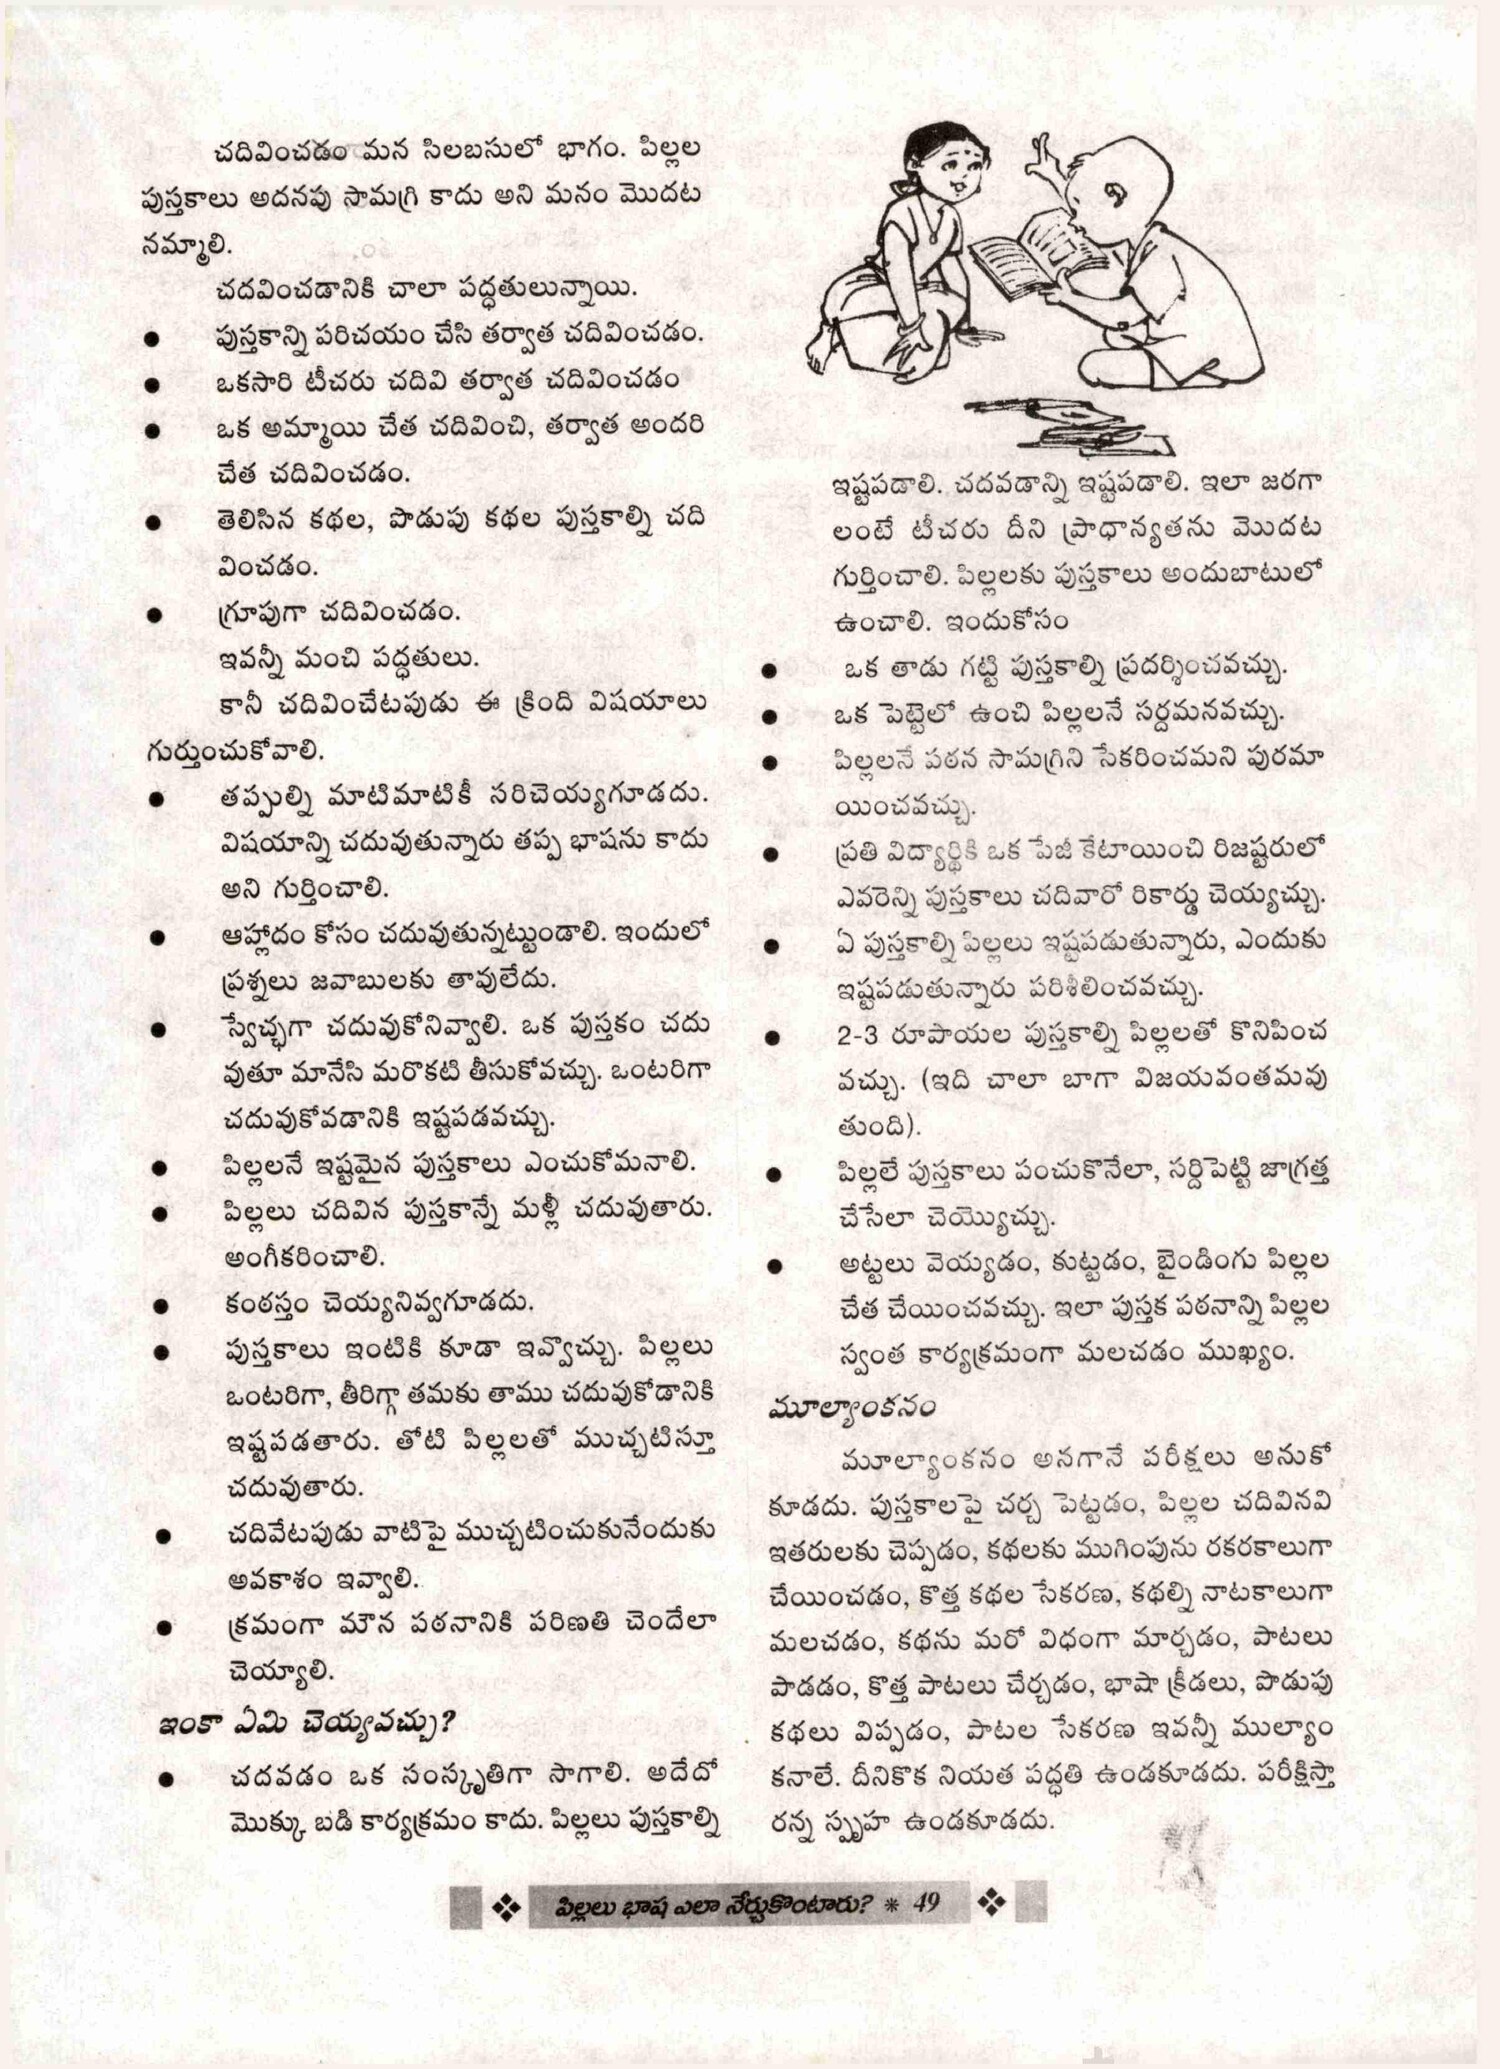చదివించడం మన సిలబసులో భాగం. పిల్లల పుస్తకాలు అదనపు సామగ్రి కాదు అని మనం మొదట నమ్మాలి.

చదవించడానికి చాలా పద్ధతులున్నాయి.

● పుస్తకాన్ని పరిచయం చేసి తర్వాత చదివించడం.

● ఒకసారి టీచరు చదివి తర్వాత చదివించడం

● ఒక అమ్మాయి చేత చదివించి, తర్వాత అందరి చేత చదివించడం.

● తెలిసిన కథల, పొడుపు కథల పుస్తకాల్ని చదివించడం.

● గ్రూపుగా చదివించడం.

ఇవన్నీ మంచి పద్ధతులు.

కానీ చదివించేటపుడు ఈ క్రింది విషయాలు గుర్తుంచుకోవాలి.

● తప్పుల్ని మాటిమాటికీ సరిచెయ్యగూడదు. విషయాన్ని చదువుతున్నారు తప్ప భాషను కాదు అని గుర్తించాలి.

● ఆహ్లాదం కోసం చదువుతున్నట్టుండాలి. ఇందులో ప్రశ్నలు జవాబులకు తావులేదు.

● స్వేచ్ఛగా చదువుకోనివ్వాలి. ఒక పుస్తకం చదువుతూ మానేసి మరొకటి తీసుకోవచ్చు. ఒంటరిగా చదువుకోవడానికి ఇష్టపడవచ్చు.

● పిల్లలనే ఇష్టమైన పుస్తకాలు ఎంచుకోమనాలి.

● పిల్లలు చదివిన పుస్తకాన్నే మళ్లీ చదువుతారు. అంగీకరించాలి.

● కంఠస్తం చెయ్యనివ్వగూడదు.

● పుస్తకాలు ఇంటికి కూడా ఇవ్వొచ్చు. పిల్లలు ఒంటరిగా, తీరిగ్గా తమకు తాము చదువుకోడానికి ఇష్టపడతారు. తోటి పిల్లలతో ముచ్చటిస్తూ చదువుతారు.

● చదివేటపుడు వాటిపై ముచ్చటించుకునేందుకు అవకాశం ఇవ్వాలి.

● క్రమంగా మౌన పఠనానికి పరిణతి చెందేలా చెయ్యాలి.

ఇంకా ఏమి చెయ్యవచ్చు?

● చదవడం ఒక సంస్కృతిగా సాగాలి. అదేదో మొక్కు బడి కార్యక్రమం కాదు. పిల్లలు పుస్తకాల్ని ఇష్టపడాలి. చదవడాన్ని ఇష్టపడాలి. ఇలా జరగాలంటే టీచరు దీని ప్రాధాన్యతను మొదట గుర్తించాలి. పిల్లలకు పుస్తకాలు అందుబాటులో ఉంచాలి. ఇందుకోసం

● ఒక తాడు గట్టి పుస్తకాల్ని ప్రదర్శించవచ్చు.

● ఒక పెట్టెలో ఉంచి పిల్లలనే సర్దమనవచ్చు.

● పిల్లలనే పఠన సామగ్రిని సేకరించమని పురమాయించవచ్చు.

● ప్రతి విద్యార్థికి ఒక పేజీ కేటాయించి రిజిష్టరులో ఎవరెన్ని పుస్తకాలు చదివారో రికార్డు చెయ్యచ్చు.

● ఏ పుస్తకాల్ని పిల్లలు ఇష్టపడుతున్నారు, ఎందుకు ఇష్టపడుతున్నారు పరిశీలించవచ్చు.

● 2-3 రూపాయల పుస్తకాల్ని పిల్లలతో కొనిపించవచ్చు. (ఇది చాలా బాగా విజయవంతమవుతుంది).

● పిల్లలే పుస్తకాలు పంచుకొనేలా, సర్దిపెట్టి జాగ్రత్త చేసేలా చెయ్యొచ్చు.

● అట్టలు వెయ్యడం, కుట్టడం, బైండింగు పిల్లలచేత చేయించవచ్చు. ఇలా పుస్తక పఠనాన్ని పిల్లల స్వంత కార్యక్రమంగా మలచడం ముఖ్యం.

మూల్యాంకనం

మూల్యాంకనం అనగానే పరీక్షలు అనుకో కూడదు. పుస్తకాలపై చర్చ పెట్టడం, పిల్లల చదివినవి ఇతరులకు చెప్పడం, కథలకు ముగింపును రకరకాలుగా చేయించడం, కొత్త కథల సేకరణ, కథల్ని నాటకాలుగా మలచడం, కథను మరో విధంగా మార్చడం, పాటలు పాడడం, కొత్త పాటలు చేర్చడం, భాషా క్రీడలు, పొడుపుకథలు విప్పడం, పాటల సేకరణ ఇవన్నీ ముల్యాంకనాలే. దీనికొక నియత పద్ధతి ఉండకూడదు. పరీక్షిస్తారన్న స్పృహ ఉండకూడదు.